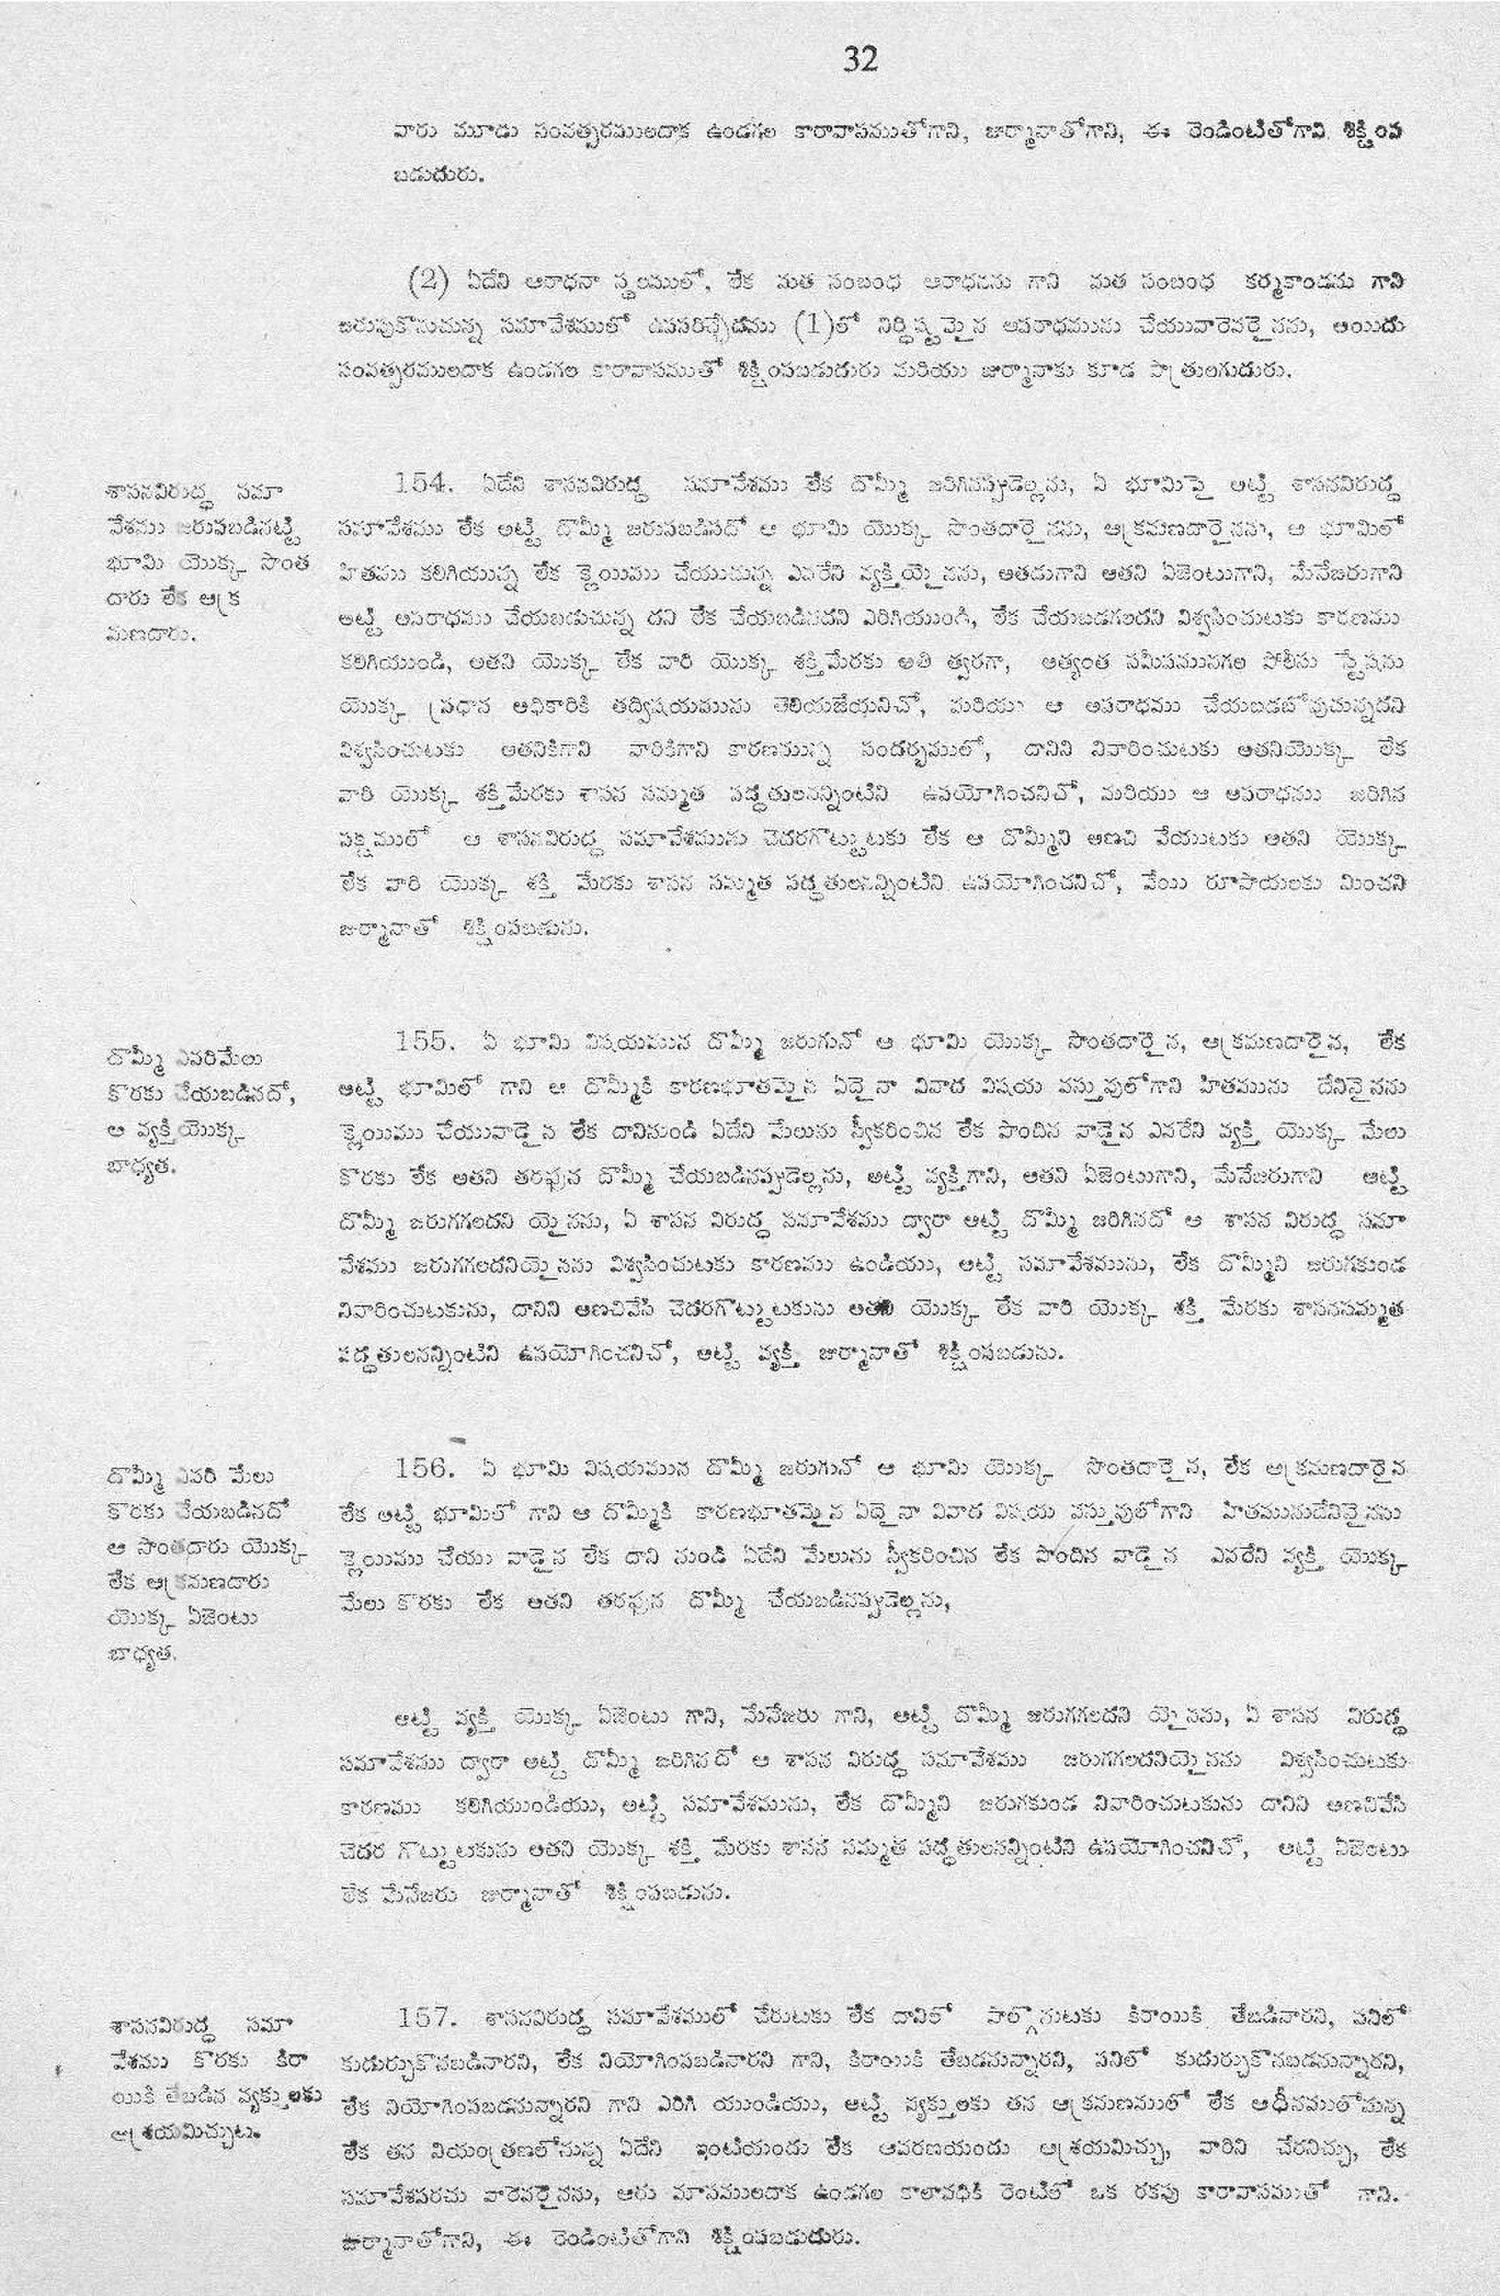వారు మూడు సంవత్సరములదాక ఉండగల కారావాసముతో గాని, జార్మానాతో గాని, ఈ రెండింటితోగాని, శిక్షించబడుదురు.

(2) ఏదేని ఆరాధనా స్థలములో, లేక మత సంబంధ ఆరాధనను గాని మత సంబంధ కర్మకాండను గాని
జరుపుకొనుచున్న సమావేశములో ఉపసరిచ్చేదము (1)లో నిర్దిష్టమైన అపరాధమును చేయువారెవరైనను, అయిదు
సంవత్సరములదాక ఉండగల కారావాసముతో శిక్షింపబడుదురు మరియు జుర్మానాకు కూడ పాత్రులగుదురు.

శాసన విరుద్ధ సమావేశము జరుపబడినట్టి భూమి యొక్క సొంతదారు లేక ఆక్రమణదారు.

154. ఏదేని శాసనవిరుద్ధ సమావేశము లేక దొమ్మీ జరిగినప్పుడెల్లను, ఏ భూమిపై అట్టి శాసనవిరుద్ధ సమావేశము లేక అట్టి దొమ్మీ జరుపబడినదో ఆ భూమి యొక్క సొంతదారైనను, ఆక్రమణదారైనను, ఆ భూమిలో హితము కలిగియున్న లేక క్లెయిము చేయుచున్న ఎవరేని వ్యక్తియైనను, అతడుగాని ఆతని ఏజెంటుగాని, మేనేజరుగాని అట్టి అపరాధము చేయబడుచున్నదని లేక చేయబడినదని ఎరిగియుంగి, లేక చేయబడగలదని విశ్వసించుటకు కారణము కలిగియుండి, అతని యొక్క లేక వారి యొక్క శక్తి మేరకు అతి త్వరగా, అత్యంత సమీపమునగల పోలీసు స్టేషను యొక్క ప్రధాన అధికారికి తద్విషయమును తెలియజేయనిచో, మరియు ఆ అపరాధము చేయబడబోవుచున్నదని విశ్వసించుటకు ఆతనికిగాని వారికిగాని కారణమున్న సందర్భములో, దానిని నివారించుటకు అతని యొక్క లేక వారి యొక్క శక్తి మేరకు శాసన సమ్మత పద్ధతులనన్నింటిని ఉపయోగించనిచో, మరియు ఆ ఆపరాధము జరిగిన పక్షములో ఆ శాసన విరుద్ధ సమావేశమును చెదరగొట్టుటకు లేక ఆ దొమ్మీని అణచి వేయుటకు అతని యొక్క లేక వారి యొక్క శక్తి మేరకు శాసన సమ్మత పద్దతులన్నింటిని ఉపయోగించనిచో, వేయి రూపాయలకు మించని జుర్మానాతో శిక్షింపబడును.

దొమ్మీ ఎవరిమేలు కొరకు చేయబడినదో, ఆ వ్యక్తి యొక్క బాధ్యత.

155. ఏ భూమి విషయమున దొమ్మీ జరుగునో ఆ భూమి యొక్క సొంతదారైన, ఆక్రమణదారైన, లేక అట్టి భూమిలో గాని ఆ దొమ్మీకి కారణభూతమైన ఏదైనా వివాద విషయ వస్తువులో గాని హితమును దేనినైనను క్లెయిము చేయువాడైన లేక దానినుండి ఏదేని మేలును స్వీకరించిన లేక పొంచిన వాడైన ఎనలేని వ్యక్తి యొక్క మేలు కొరకు లేక అతని తరఫున దొమ్మీ చేయబడినప్పుడెల్ల ను, అట్టి వ్యక్తి గాని, అతని ఏజెంటు గాని, మేనేజరుగాని అట్టి దొమ్మీ జరుగగలదని యైనను, ఏ శాసన విరుద్ధ సమావేశము ద్వారా అట్టి దొమ్మీ జరిగినదో ఆ శాసన విరుద్ధ సమావేశము జరుగగలదనియైనను విశ్వసించుటకు కారణము ఉండియు, అట్టి సమావేశమును, లేక దొమ్మీని జరుగకుండ నివారించుటకును, దానిని ఆణచివేసి చెదరగొట్టుటకును అతని యొక్క లేక వారి యొక్క శక్తి మేరకు శాసనసమ్మత పద్ధతులనన్నింటిని ఉపయోగించనిచో, అట్టి వ్యక్తి జూర్మానాతో శిక్షింపబడును.

గొమ్మీ ఎవరి మేలు కొరకు చేయబడినదో ఆ సొంతదారు యొక్క లేక ఆక్రమణదారు

156. ఏ భూమి విషయమున దొమ్మీ జరుగునో ఆ భూమి యొక్క సొంతదారైన, లేక అక్రమణదారైన లేక అట్టి భూమిలో గాని ఆ దోమ్మీకి కారణభూతమైన ఏదై నా వివాద విషయ వస్తువులో గాని హితమునుదేనినైనను క్లెయిము చేయు వాడైన లేక
దాని నుండి ఏదేని మేలును స్వీకరించిన లేక పొందిన వాడైన ఎవరేని వ్యక్తి యొక్క మేలు కొరకు లేక అతని తరఫున దొమ్మీ చేయబడినప్పుడెల్లను,

అట్టి వ్యక్తి యొక్క ఏజెంటు గాని, మేనేజరు గాని, అట్టి దొమ్మీ జరుగగలదని యైనను, ఏ శాసన విరుద్ద సమావేశము ద్వారా అట్టి డొమ్మీ జరిగినదో ఆ శాసన విరుద్ధ సమావేశము జరుగగలదనియైనను విశ్వసించుటకు కారణము కలిగియుండియు, అట్టి సమావేశమును, లేక దొమ్మీని జరుగకుండ నివారించుటకును దానిని అణచివేసి చెదర గొట్టుటకును అతని యొక్క శక్తి మేరకు శాసన సమ్మత పద్ధతులనన్నింటిని ఉపయోగించనిచో, ఆట్టి ఏజెంటు లేక మేనేజరు జుర్మానాతో శిక్షింపబడును.

శాసనవిరుద్ద సమావేశము కొరకు కిరాయికి తేబడిన వ్యక్తులకు ఆశ్రయమిచ్చుట,

157. శాసస విరుద్ధ సమావేశములో చేరుటకు లేక దానిలో పాల్గొనుటకు కిరాయికి తేబడినారని, పనిలో కుదుర్చు కొనబడినారని, లేక నియోగింపబడినారని గాని, కిరాయికి తేబడనున్నారని, పనిలో కుదుర్చుకొనబడనున్నారని,
లేక నియోగింపబడనున్నారని గాని ఎరిగి యుండియు, అట్టి వ్యక్తులకు తన ఆక్రమణములో లేక ఆధీనములోనున్న
లేక తన నియంత్రణలోనున్న ఏదేని ఇంటియందు లేక ఆవరణయందు ఆశ్రయమిచ్చు, వారిని చేరనిచ్చు, లేక
సమావేశపరచు వారెవరైనను, ఆరు మాసములదాక ఉండగల కాలావధికి రెంటిలో ఒక రకపు కారావాసముతో గాని జుర్మానాతోగాని, ఈ రెండింటిలోగాని శిక్షింపబడుదురు.